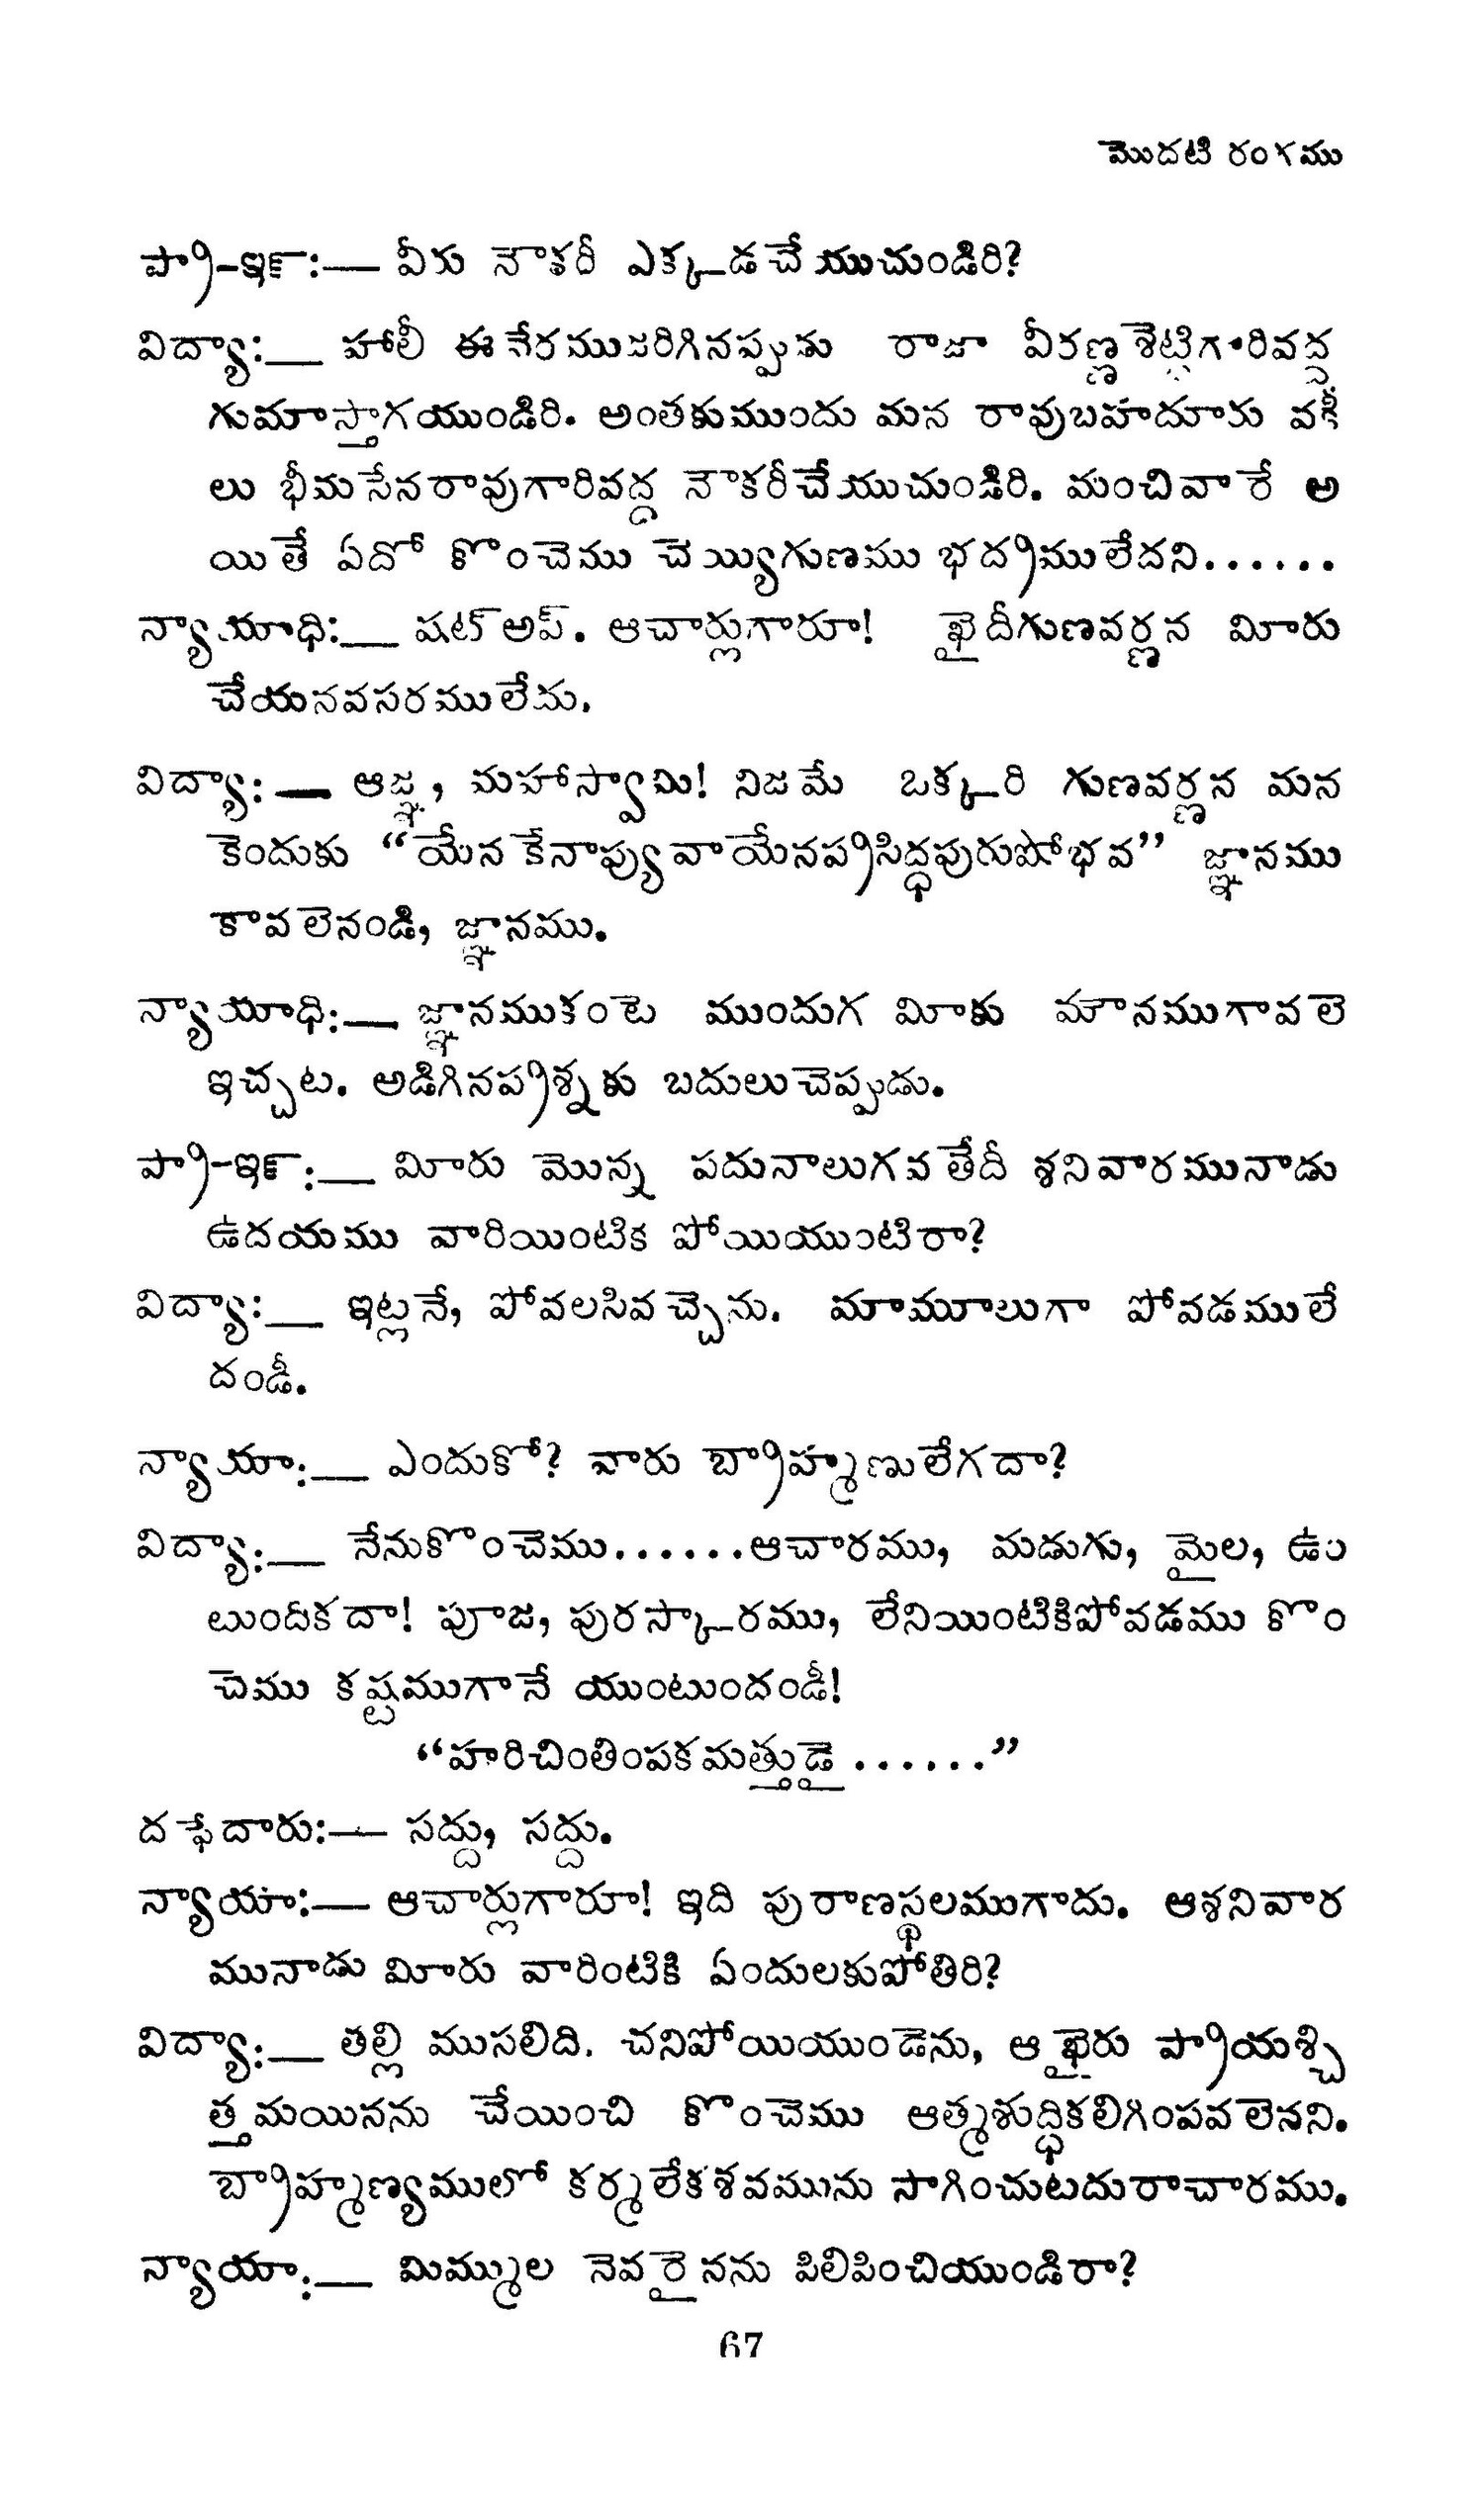ప్రా-ఇన్;- వీరు నౌకరీ ఎక్కడచేయుచుండిరి?

విద్యా:- హాలీ ఈనేరముజరిగినప్పుడు రాజా వీరణ్ణశెట్టి గారివద్ద గుమాస్తాగయుండిరి. అంతకుముందు మన రావుబహద్దూరు వకీలు భీమసేవరావుగారివద్ద నౌకరీచేయుచుండిరి. మంచివారే అయితే ఏదో కొంచము చెయ్యిగుణము భద్రములేదని......

న్యాయాధి:-షట్ అప్, ఆచార్లుగారూ! ఖైదీగుణవర్ణన మీరుచేయనవుస్దరములేదు.

విద్యా:-ఆజ్ఞ, మహాస్వామి! నిజమే ఒక్కరి గుణచర్ణన మన కెందుకు "యేనకేనావ్యూఅయేనప్రేసిద్ధపురుషోభచ్వ" జ్ఞానము కావలెనండి. జ్ఞానము. 

న్యాయాధి:-జ్ఞానముకంటె ముందుగ మీకు మౌనముగావలె ఇచ్చట. అడిగినప్రశ్నకు బదులుచెప్పడు.

ప్రా-ఇన్:-మీరు మొన్న పదునాలుగతేదీ శనివారమునాడు ఉదయము వారియింటికి పోయియుంటిరా?

విద్యా:- ఇట్లనే, పొవలసివచ్చెను. మామూలుగా పొవడములేదండీ.

న్యాయా:-ఎందుకో? వారు బ్రాహ్మణులేగదా?

విద్యా:-నేనుకొంచెము.....ఆచారము, మడుగు, మైల, ఉంటుందికదా! పూజ, పురస్కారము, లేనియింటికి పోవడము కొంచెము కష్టముగానే యుంటుందండీ!

దఫేదారు:--వద్దు, వద్దు.

న్యాయా;- ఆచార్లుగారూ! ఇది పురాణస్ధలముగాదు. ఆశనివారమునాడు మీరు వారింటికి ఎందులకుపొతిరి?

విద్యా:- తల్లి ముసలిది. చనిపొయియుండెను. ఆఖైరు ప్రాయశ్చిత్తమయినను చేయించి కొంచెము ఆత్మశుద్ధి కలిగింపవలెనని. బ్రాహ్మణ్యములో కర్మలేక శవమును సాగించుట దురాచారము.

న్యాయా:-మిమ్ముల నెవరైనను పిలిపీంచియుండిరా?